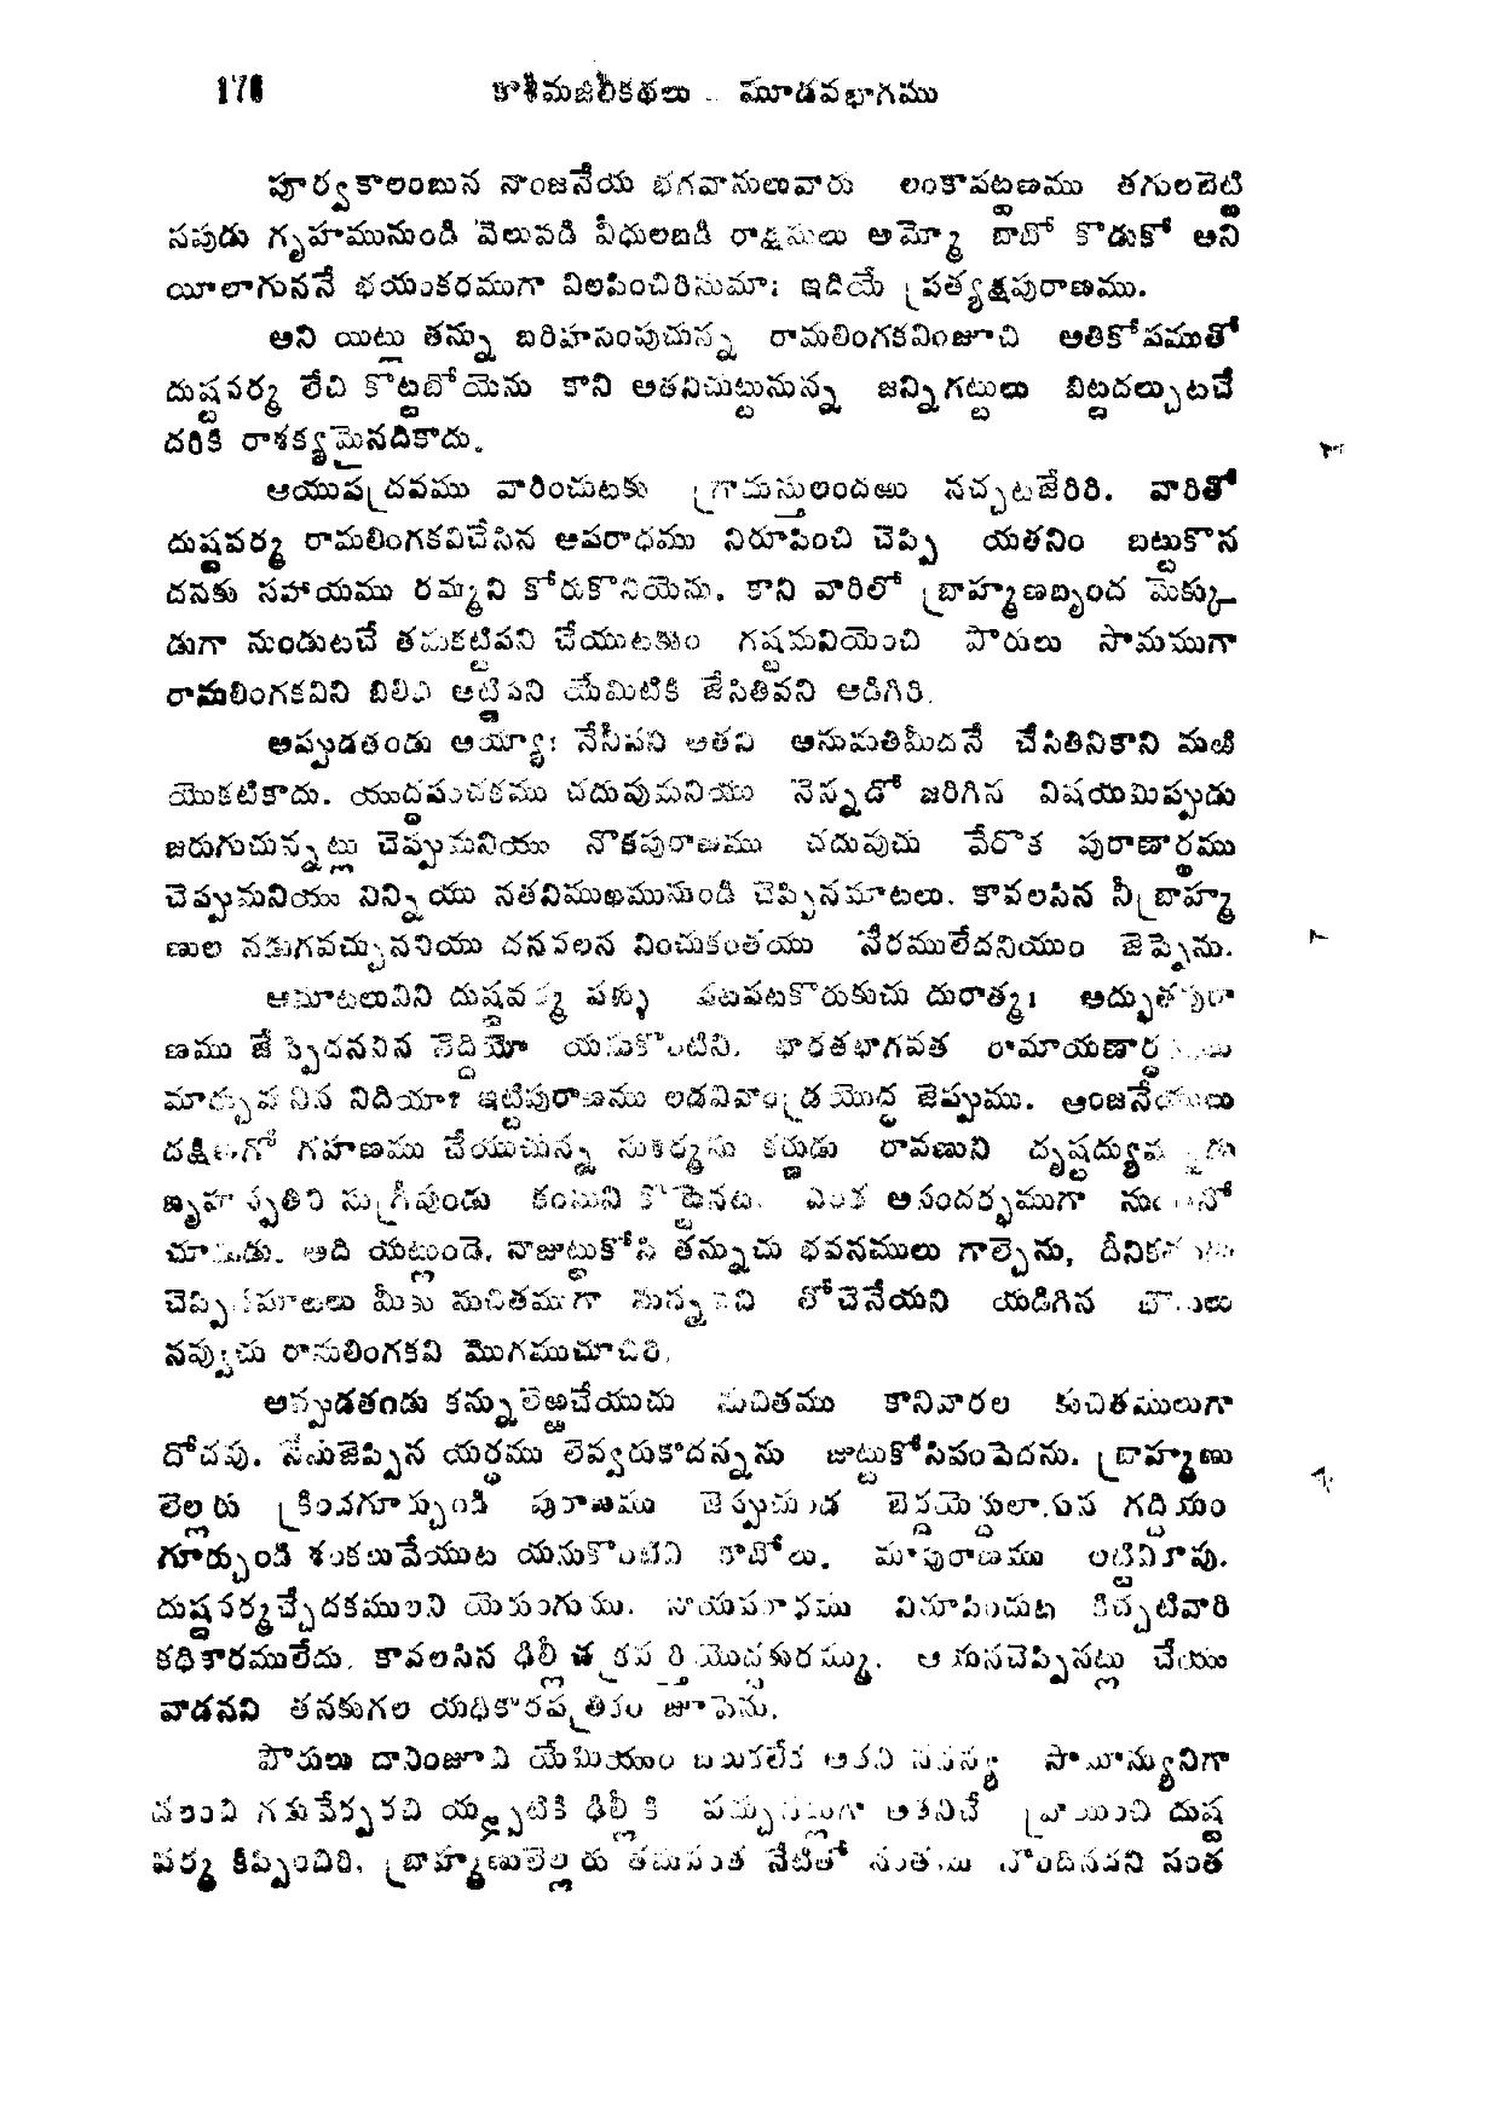పూర్వకాలంబున నాంజనేయ భగవానులువారు లంకాపట్టణము తగులబెట్టినపుడు గృహమునుండి వెలువడి వీధులబడి రాక్షసులు అమ్మో బాబో కొడుకో అని యీలాగుననే భయంకరముగా విలపించిరిసుమా? ఇదియే ప్రత్యక్షపురాణము.

అని యిట్లు తన్ను బరిహసింపుచున్న రామలింగకవింజూచి అతికోపముతో దుష్టవర్మ లేచి కొట్టబోయెను కాని అతనిచుట్టునున్న జన్నిగట్టులు బిట్టదల్చుటచే దరికి రాశక్యమైనదికాదు.

ఆయుపద్రవము వారించుటకు గ్రామస్తులందఱు నచ్చటజేరిరి. వారితో దుష్టవర్మ రామలింగకవిచేసిన అపరాధము నిరూపించి చెప్పి యతనిం బట్టుకొన దనకు సహాయము రమ్మని కోరుకొనియెను. కాని వారిలో బ్రాహ్మణబృంద మెక్కుడుగా నుండుటచే తమకట్టిపని చేయుటకుం గష్టమనియెంచి పౌరులు సామముగా రామలింగకవిని బిలిచి అట్టిపని యేమిటికి జేసితివని అడిగిరి.

అప్పుడతండు అయ్యా! నేనీపని అతని అనుమతిమీదనే చేసితినికాని మఱియొకటికాదు. యుద్ధపంచకము చదువుమనియు నెన్నడో జరిగిన విషయ మిప్పుడు జరుగుచున్నట్లు చెప్పుమనియు నొకపురాణము చదువుచు వేరొక పురాణార్థము చెప్పుమనియు నిన్నియు నతనిముఖమునుండి చెప్పినమాటలు. కావలసిన నీబ్రాహ్మణుల నడుగవచ్చుననియు దనవలన నించుకంతయు నేరములేదనియుం జెప్పెను.

ఆమాటలువిని దుష్టవర్మ పళ్ళు పటపటకొరుకుచు దురాత్మ! అద్భుతపురాణము జెప్పెదననిన నెద్దియో యనుకొంటిని. భారతభాగవతరామాయణార్ధములు మార్చుమనిన నిదియా? ఇట్టిపురాణము లడవివాండ్రయొద్ద జెప్పుము. ఆంజనేయులు దక్షిణగోగ్రహణము చేయుచున్న సుశర్మను కర్ణుడు
రావణుని దృష్టద్యుమ్నుడు బృహస్పతిని సుగ్రీవుండు కంసుని కొట్టెనట. ఎంత అసందర్భముగానుండునో చూడుడు. అది యట్లుండె. నాజుట్టుకోసి తన్నుచు భవనములు గాల్చెను, దీనికతండు చెప్పినమాటలు మీకు నుచితముగా నున్నవని తోచేనేయని యడిగిన బౌరులు నవ్వుచు రామలింగకవి మొగముచూచిరి.

అప్పుడతండు కన్నులెఱ్ఱచేయుచు నుచితము కానివారల కుచితములుగా దోచవు. నేనుజెప్పిన యర్ధము లెవ్వరుకాదన్నను జుట్టుకోసిపంపెదను. బ్రాహ్మణు లెల్లరు క్రిందగూర్చుండి పురాణము జెప్పుచుండ బెద్దయెద్దులాగున గద్దియం గూర్చుండి శంకలువేయుట యనుకొంటివి కాబోలు. మాపురాణము లట్టివికావు. దుష్టవర్మచ్చేదకములని యెరుంగుము. నాయపరాధము నిరూపించుట కిచ్చటివారి కధికారము లేదు. కావలసిన ఢిల్లీచక్రవర్తియొద్దకు రమ్ము. ఆయన చెప్పినట్లు చేయువాడనని తనకుగల యధికారపత్రికల జూపెను.

పౌరులు దానింజూచి యేమియుం బలుకలేక ఆతని ననన్యసామన్యునిగా దలంచి గడువేర్పరచి యప్పటికి ఢిల్లీకి వచ్చునట్లుగా ఆతనిచే వ్రాయించి దుష్టవర్మ కిప్పించిరి. బ్రాహ్మణులెల్లరు తమవంత నేటితో నంతము నొందినదని సంత